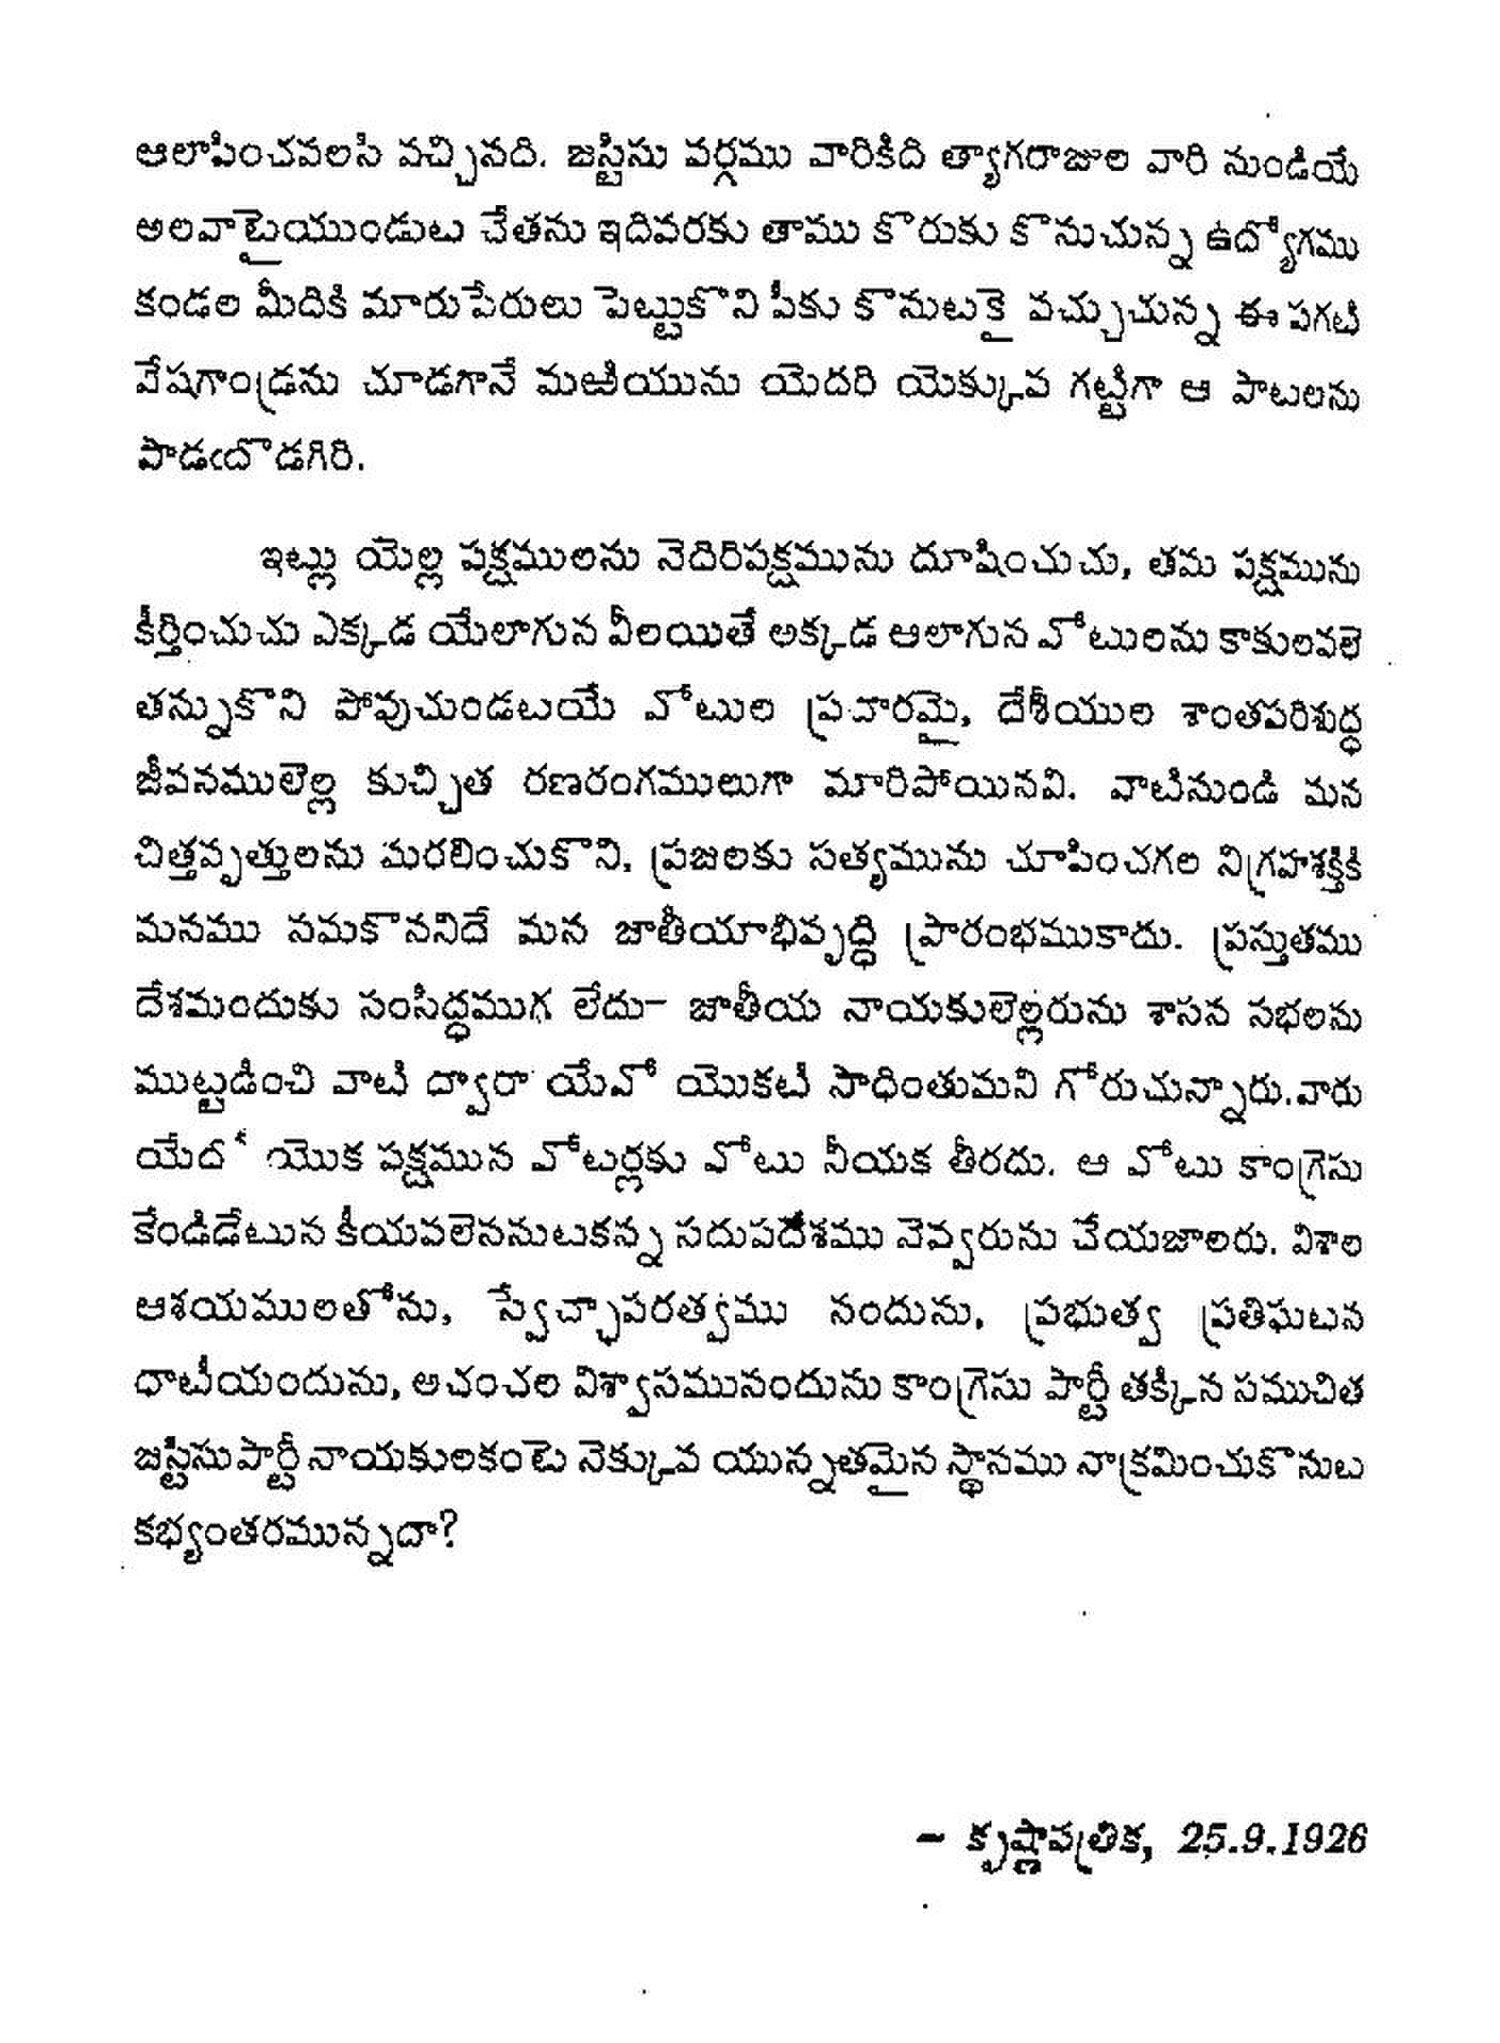ఆలాపించవలసి వచ్చినది. జస్టిసు వర్గము వారికిది త్యాగరాజుల వారి నుండియే అలవాటైయుండుట చేతను ఇదివరకు తాము కొరుకుకొనుచున్న ఉద్యోగము కండల మీదికి మారుపేరులు పెట్టుకొని పీకు కొనుటకై వచ్చుచున్న ఈ పగటి వేషగాండ్రను చూడగానే మఱియును యెదరి యెక్కువ గట్టిగా ఆ పాటలను పాడఁదొడగిరి.

ఇట్లు యెల్ల పక్షములను నెదిరిపక్షమును దూషించుచు, తమ పక్షమును కీర్తించుచు ఎక్కడ యేలాగున వీలయితే అక్కడ ఆలాగున వోటులను కాకులవలె తన్నుకొని పోవుచుండుటయే వోటుల ప్రచారమై, దేశీయుల శాంతపరిశుద్ధ జీవనములెల్ల కుచ్చిత రణరంగములుగా మారిపోయినవి. వాటినుండి మన చిత్తవృత్తులను మరలించుకొని, ప్రజలకు సత్యమును చూపించగల నిగ్రహశక్తికి మనము సమకొననిదే మన జాతీయాభివృద్ధి ప్రారంభముకాదు. ప్రస్తుతము దేశమందుకు సంసిద్ధముగ లేదు - జాతీయ నాయకులెల్లరును శాసన సభలను ముట్టడించి వాటి ద్వారా యేవో యొకటి సాధింతుమని గోరుచున్నారు. వారు యేదో యొక పక్షమున వోటర్లకు వోటు నీయక తీరదు. ఆ వోటు కాంగ్రెసు కేండిడేటున కీయవలెననుటకన్న సదుపదేశము నెవ్వరును చేయజాలరు. విశాల ఆశయములతోను, స్వేచ్ఛాపరత్వము నందును, ప్రభుత్వ ప్రతిఘటన ధాటియందును, అచంచల విశ్వాసమునందును కాంగ్రెసు పార్టీ తక్కిన సముచిత జస్టిసుపార్టీనాయకులకంటె నెక్కువ యున్నతమైన స్థానము నాక్రమించుకొనుట కభ్యంతరమున్నదా?